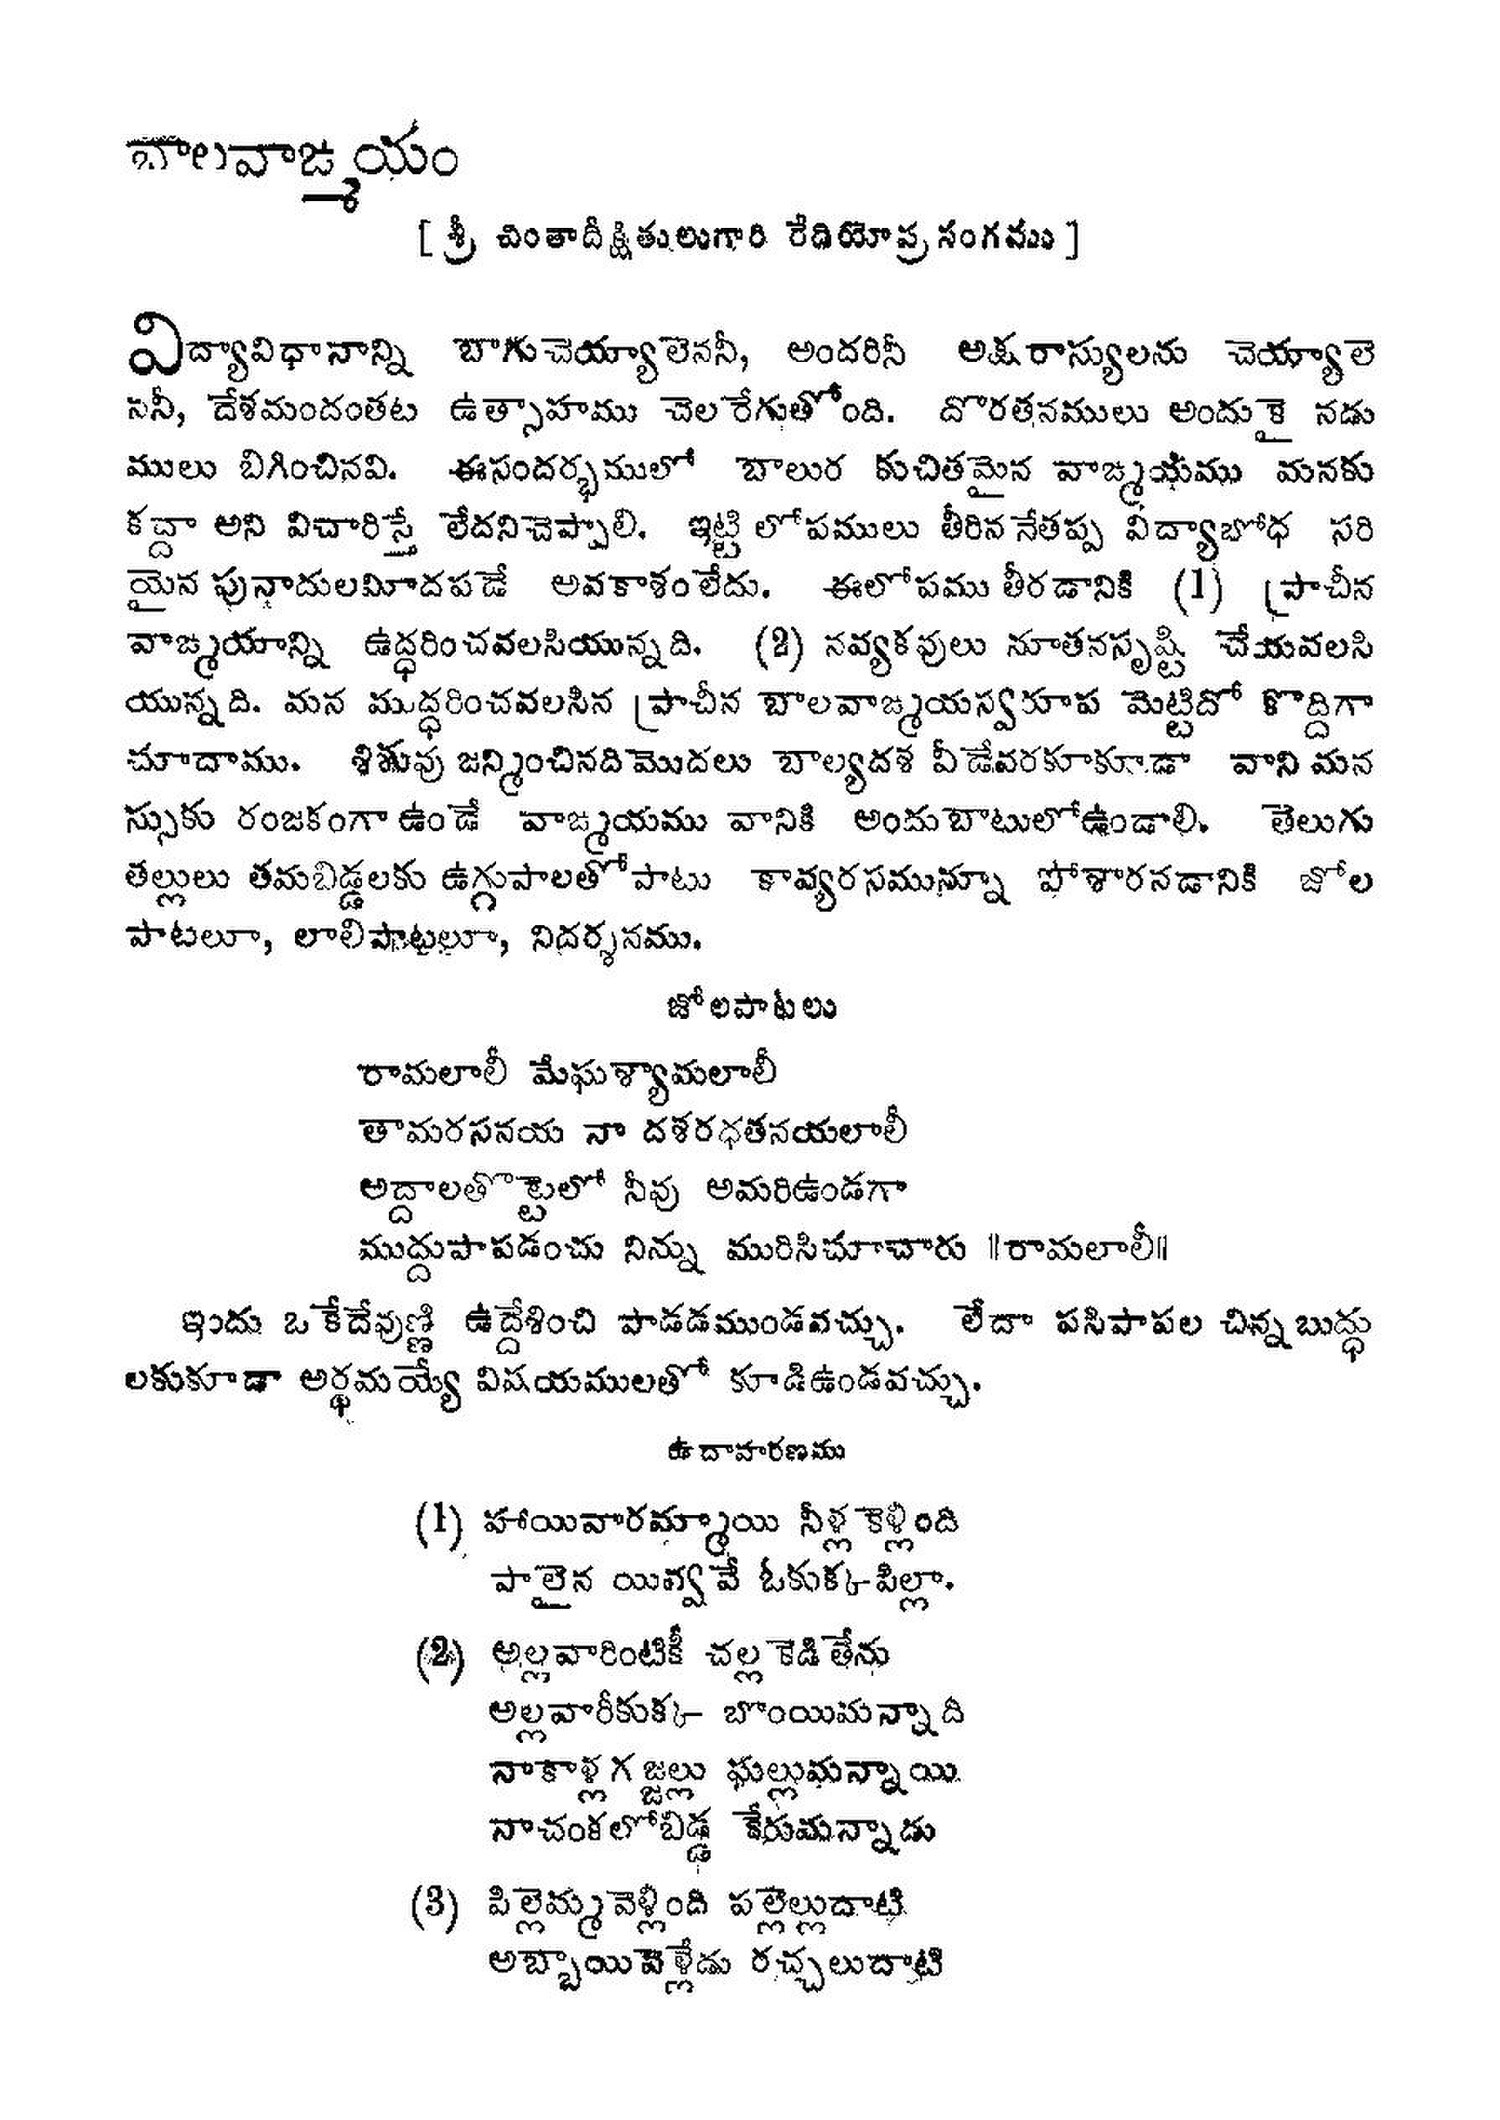విద్యావిధానాన్ని బాగు చెయ్యాలెననీ, అందరినీ అక్షరాస్యులను చెయ్యాలెననీ, దేశమందంతట ఉత్సాహము చెలరేగుతోంది. దొరతనములు అందుకై నడుములు బిగించినవి. ఈ సందర్భములో బాలుర కుచితమైన వాఙ్మయము మనకు కద్దా అని విచారిస్తే లేదనిచెప్పాలి. ఇట్టి లోపములు తీరిన నేతప్ప విద్యాబోధ సరి యైన పునాదులమీదపడే అవకాశంలేదు. ఈలోపము తీరడానికి (1) ప్రాచీన వాఙ్మయాన్ని ఉద్ధరించవలసియున్నది.(2) నవ్యకవులు నూతనసృష్టి చేయవలసి యున్నది. మన ముద్ధరించవలసిన ప్రాచీన బాలవాఙ్మయస్వరూప మెట్టిదో కొద్దిగా చూదాము. శిశువు జన్మించినది మొదలు బాల్యదశ వీడేవరకూకూడా వాని మనస్సుకు రంజకంగా ఉండే వాఙ్మయము వానికి అందుబాటులో ఉండాలి. తెలుగు తల్లులు తమబిడ్డలకు ఉగ్గుపాలతోపాటు కావ్యరసమున్నూ పోశారనడానికి జోల పాటలూ, లాలిపాటలూ, నిదర్శనము. 

రామలాలీ మేఘశ్యామలాలీ
తామరసనయ నా దశరథతనయలాలీ
అద్దాలతొట్టెలో నీవు అమరిఉండగా
ముద్దుపాపడంచు నిన్ను మురిసిచూచారు||రామలాలీ|| 

ఇందు ఒకేదేవుణ్ణి ఉద్దేశించి పాడడముండవచ్చు. లేదా పసిపాపల చిన్న బుద్ధు లకుకూడా అర్థమయ్యే విషయములతో కూడి ఉండవచ్చు. 

(1) హాయివారమ్మాయి నీళ్ల కెళ్లింది
 పాలైన యివ్వవే ఓకుక్క పిల్లా.
(2) అల్లవారింటికీ చల్ల కెడితేను
 అల్లవారికుక్క బొంయిమున్నాది
 నా కాళ్ల గజ్జల్లు ఘల్లుమన్నాయి.
 నాచంకలోబిడ్డ కేరుమన్నాడు
(3) పిల్లెమ్మ వెళ్లింది పల్లెల్లుదాటి.
 అబ్బాయివెళ్లేడు రచ్చలుదాటి